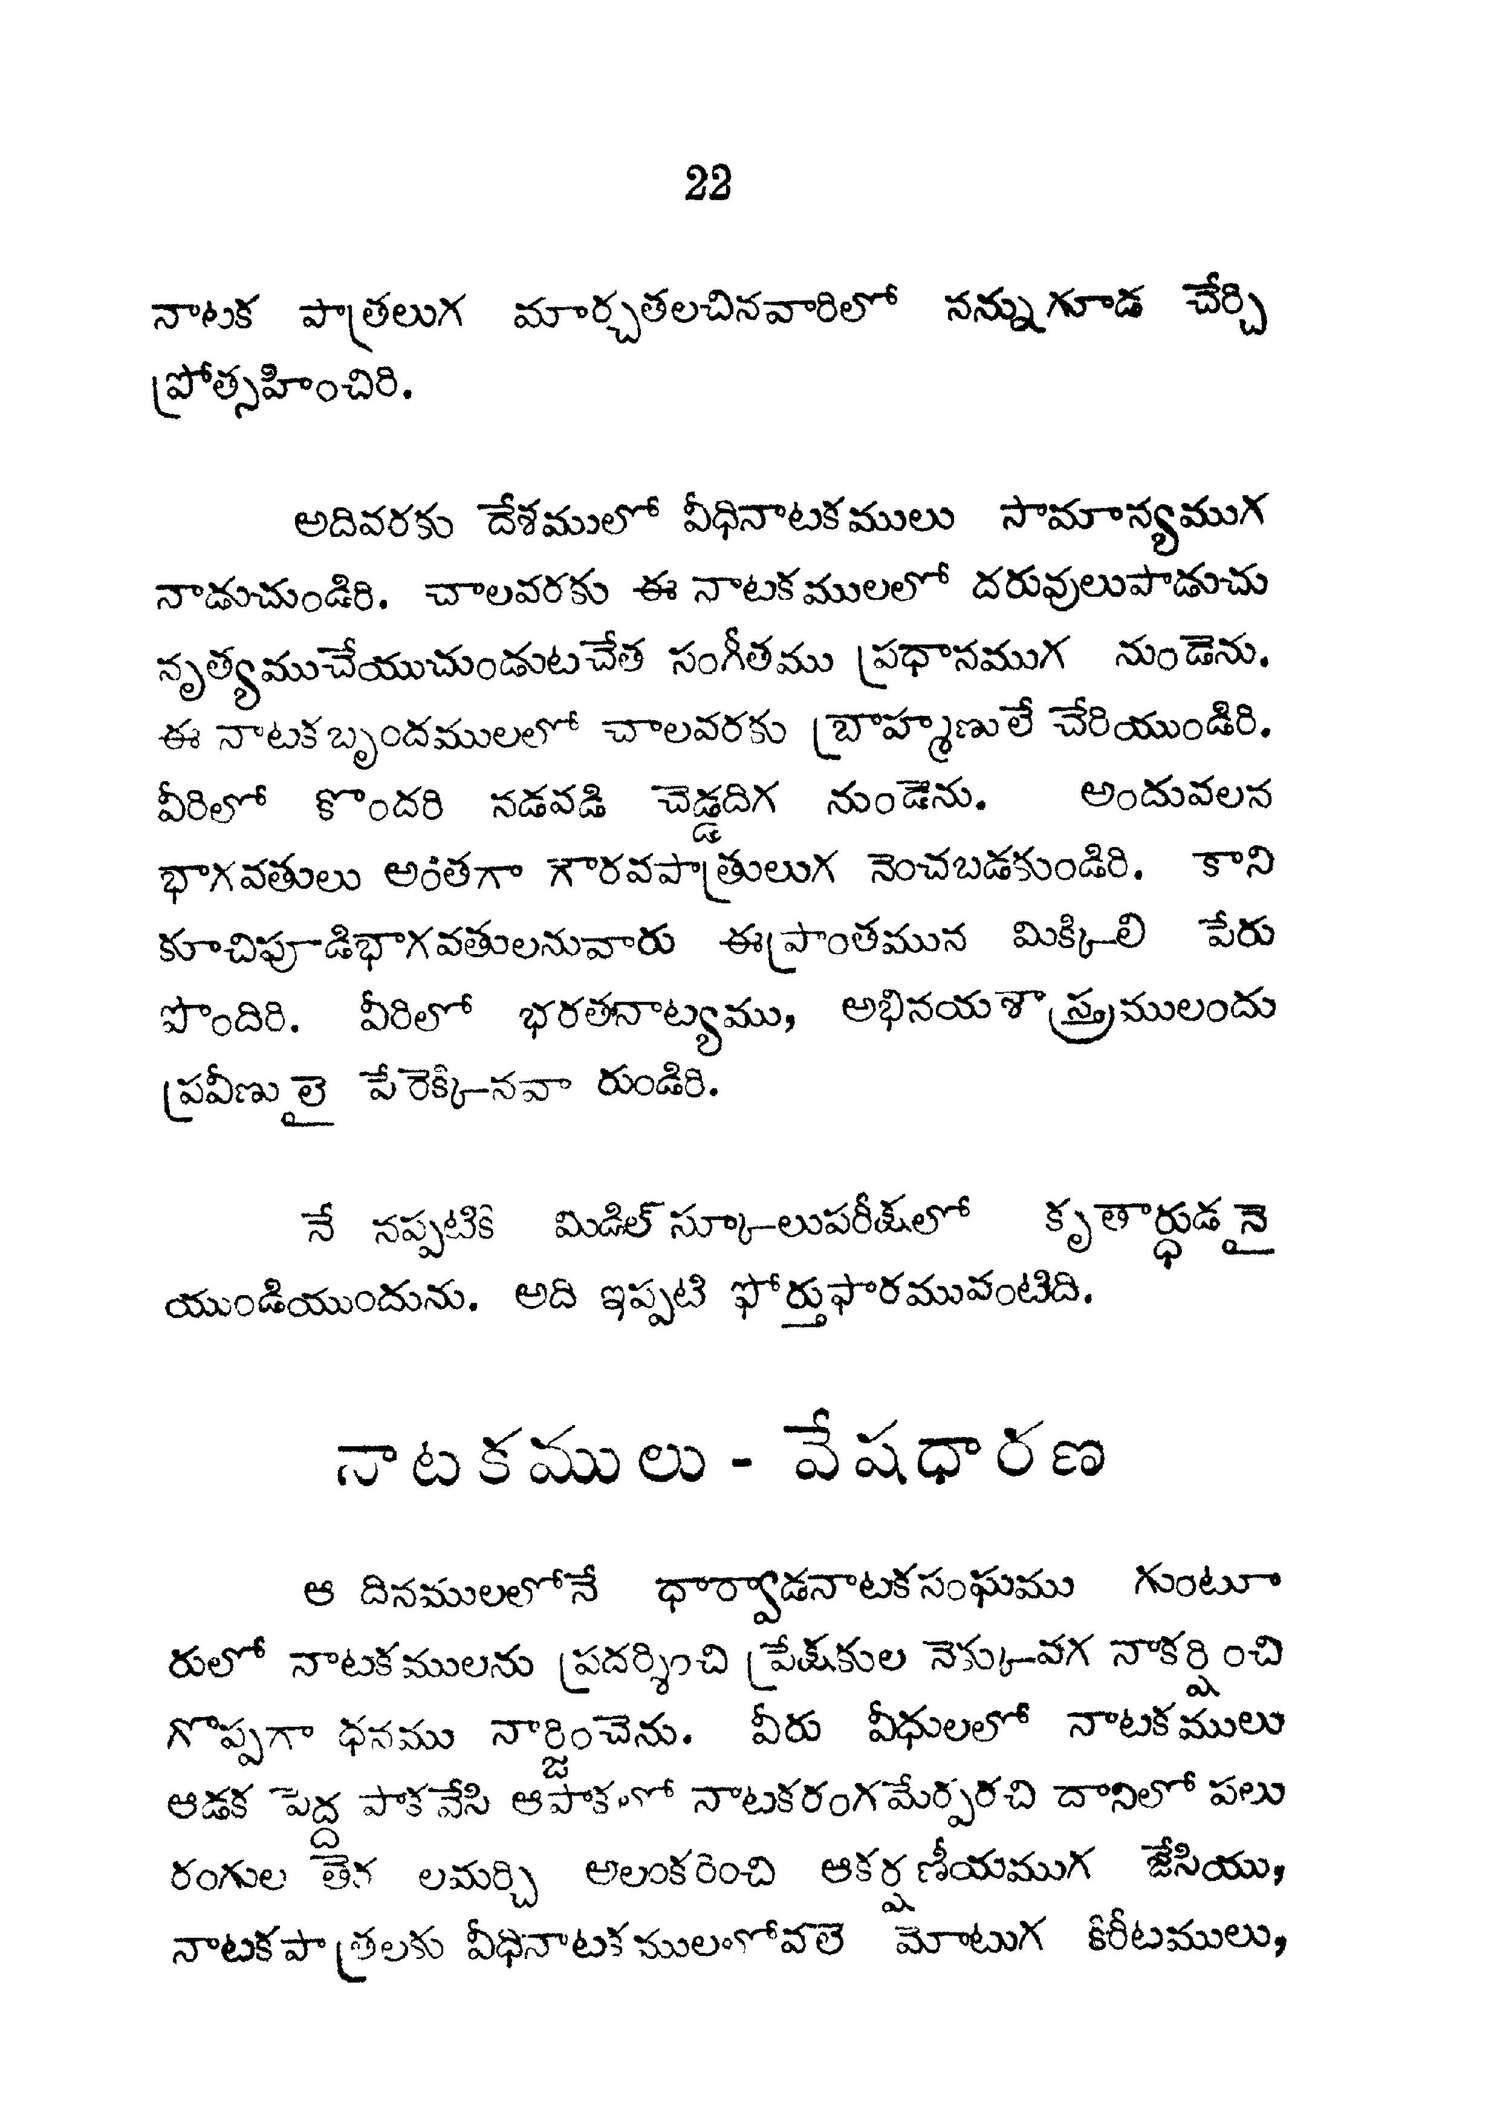నాటక పాత్రలుగ మార్చతలచినవారిలో నన్నుగూడ చేర్చి ప్రోత్సహించిరి. 

అదివరకు దేశములో వీధినాటకములు సామాన్యముగ నాడుచుండిరి. చాలవరకు ఈ నాటకములలో దరువులుపాడుచు నృత్యముచేయుచుండుటచేత సంగీతము ప్రధానముగ నుండెను. ఈ నాటక బృందములలో చాలవరకు బ్రాహ్మణులే చేరియుండిరి. వీరిలో కొందరి నడవడి చెడ్డదిగ నుండెను. అందువలన భాగవతులు అంతగా గౌరవపాత్రులుగ నెంచబడకుండిరి. కాని కూచిపూడి భాగవతులనువారు ఈప్రాంతమున మిక్కిలి పేరు పొందిరి. వీరిలో భరతనాట్యము, అభినయ శాస్త్రములందు ప్రవీణులై పేరెక్కినవా రుండిరి.

నే నప్పటికి మిడిల్‌స్కూలుపరీక్షలో కృతార్ధుడనై యుండియుందును. అది ఇప్పటి ఫోర్తుఫారమువంటిది.

ఆ దినములలోనే ధార్వాడనాటకసంఘము గుంటూరులో నాటకములను ప్రదర్శించి ప్రేక్షకుల నెక్కువగ నాకర్షించి గొప్పగా ధనము నార్జించెను. వీరు వీధులలో నాటకములు ఆడక పెద్ద పాకవేసి ఆపాకలో నాటకరంగమేర్పరచి దానిలో పలు రంగుల తెర లమర్చి అలంకరించి ఆకర్షణీయముగ జేసియు, నాటకపాత్రలకు వీధినాటకములలోవలె మోటుగా కిరీటములు,